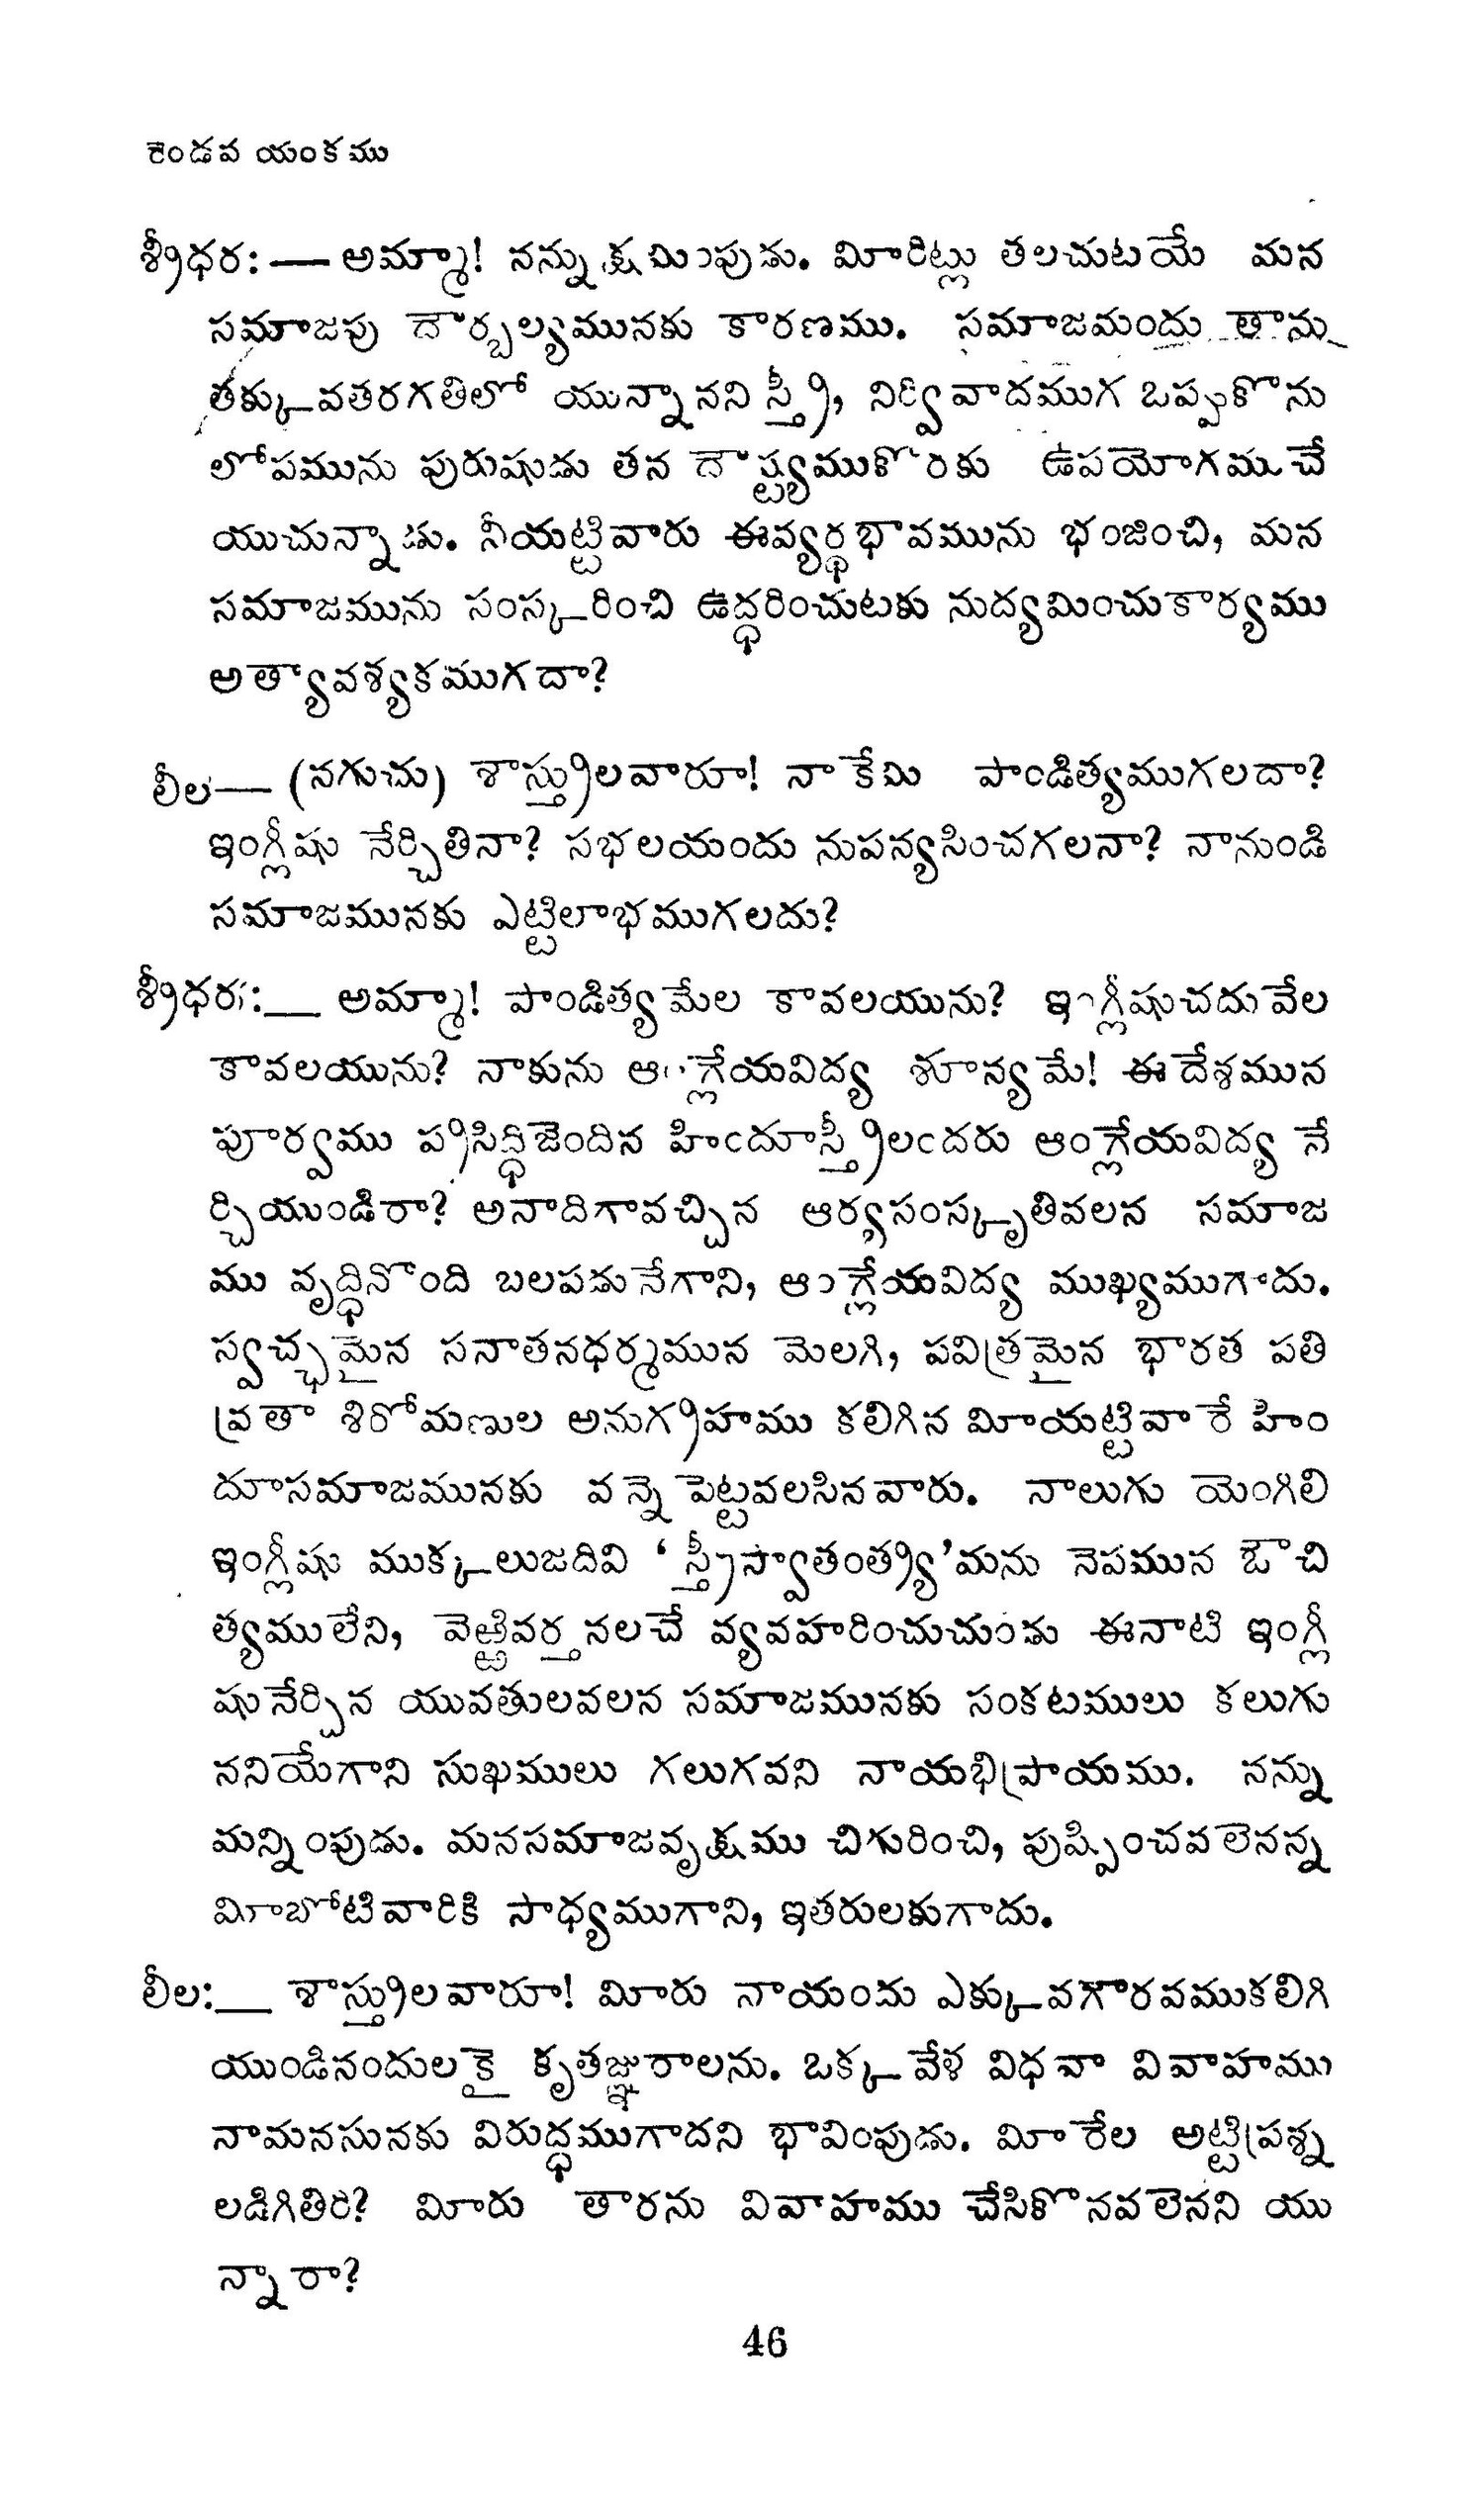శ్రీధర: – అమ్మా! నన్ను క్షమిపుడు. మీరిట్లు తలచుటయే మన
సమాజపు దౌర్బల్యమునకు కారణము. సమాజ మందు తాను
తక్కువ తరగతిలో యున్నానని స్త్రీ, నిర్వివాదముగ ఒప్పుకొను
లోపమును పురుషుడు తన దౌష్ట్యము కొరకు ఉపయోగము చే
యుచున్నాడు. నీయట్టి వారు ఈవ్యర్ధ భావమును భంజించి, మన
సమాజమును సంస్కరించి ఉద్ధరించుటకు నుద్యమించు కార్యము
అత్యావశ్యకము గదా?

లీల – (నగుచు) శాస్త్రుల వారూ! నా కేమి పాండిత్యము గలదా?
ఇంగ్లీషు నేర్చితినా? సభలయందు నుపన్యసించ గలనా? నానుండి
సమాజమునకు ఎట్టిలాభము గలదు?

శ్రీధర : _ అమ్మా! పాండిత్య మేల కావలయును? ఇంగ్లీషు చదు వేల
కావలయును? నాకును ఆంగ్లేయవిద్య శూన్యమే! ఈ దేశమున
పూర్వము ప్రసిద్ధి జెందిన హిందూస్త్రీలందరు ఆంగ్లేయవిద్య నే
ర్చియుండిరా? అనాదిగా వచ్చిన ఆర్యసంస్కృతి వలన సమాజ
ము వృద్ధినొంది బలపడు నేగాని, ఆంగ్లేయ విద్య ముఖ్యముగాదు.
స్వచ్ఛమైన సనాతనధర్మమున మెలగి, పవిత్రమైన భారత పతి
వ్రతా శిరోమణుల అనుగ్రహము కలిగిన మియట్టివారే హిం
దూ సమాజమునకు వన్నె పెట్టవలసిన వారు. నాలుగు యెంగిలి
ఇంగ్లీషు ముక్కలు జదివి స్త్రీస్వాతంత్య మను నెపమున ఔచి
త్యము లేని, వెఱ్ఱవర్తనలచే వ్యవహరించుచుండు ఈనాటి ఇంగ్లీ
షు నేర్చిన యువతుల వలన సమాజమునకు సంకటములు కలుగు
ననియేగాని సుఖములు గలుగవని నాయభిప్రాయము. నన్ను
మన్నింపుడు. మన సమాజ వృక్షము చిగురించి, పుష్పించ వలెనన్న
మీబోటివారికి సాధ్యముగాని, ఇతరులకుగాదు.

లీల: _శాస్త్రుల వారూ! మీరు నాయందు ఎక్కువ గౌరవముకలిగి
యుండి నందులకై కృతజ్ఞురాలను. ఒక్క వేళ విధవా వివాహము
నామనసునకు విరుద్ధము గాదని భావింపుడు. మీరేల అట్టి ప్రశ్న
లడిగితిరి? మీరు తారను వివాహము చేసికొన వలెనని యు
న్నారా?